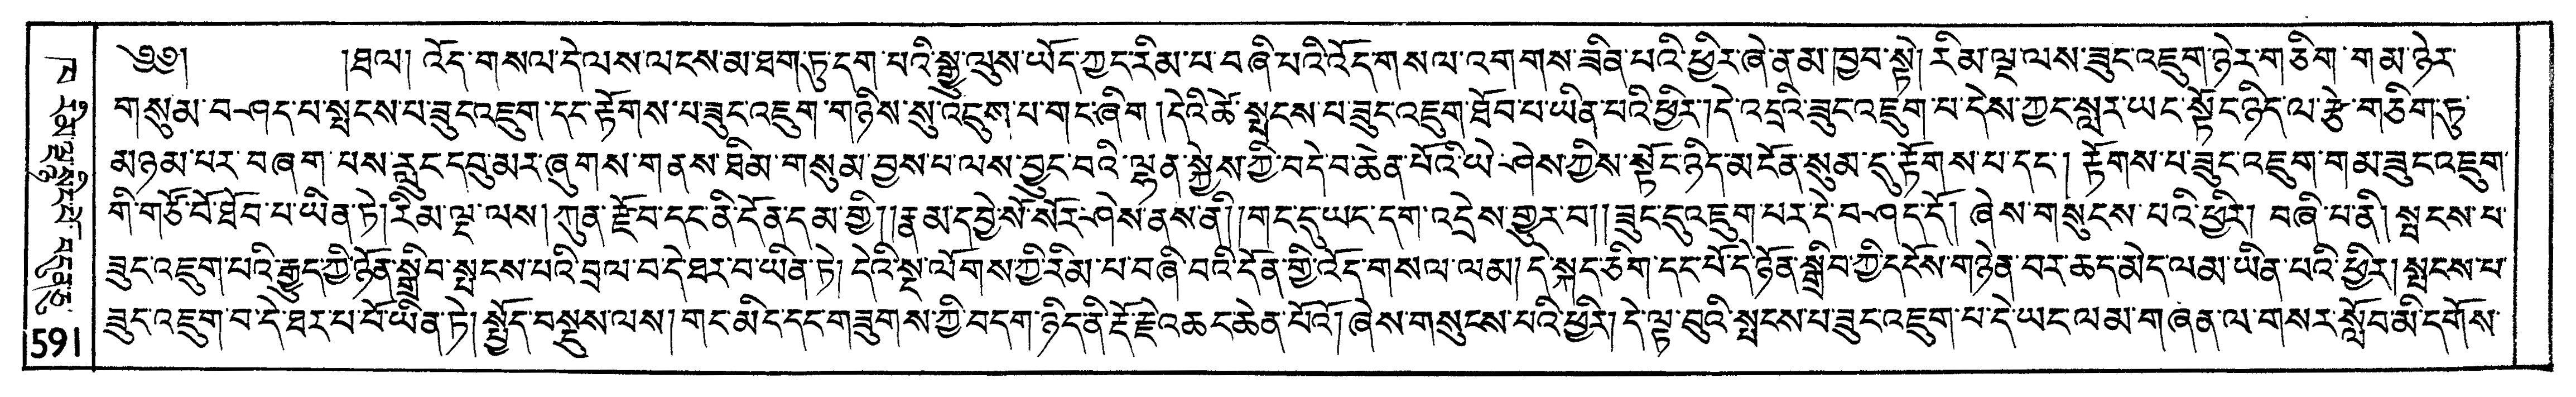༄༅། །ཐལ། འོད་གསལ་དེ་ལས་ལངས་མ་ཐག་ཏུ་དག་པའི་སྒྱུ་ལུས་ཡོད་ཀྱང་རིམ་པ་བཞི་པའི་འོད་གསལ་འགགས་ཟིན་པའི་ཕྱིར་ཞེ་ནམ་ཁྱབ་སྟེ། རིམ་ལྔ་ལས་ཟུང་འཇུག་ཉེར་གཅིག་གམ་ཉེར་
གསུམ་བཤད་པ་སྤངས་པ་ཟུང་འཇུག་དང་རྟོགས་པ་ཟུང་འཇུག་གཉིས་སུ་འཇུག་པ་གང་ཞིག །དེའི་ཚེ་སྤངས་པ་ཟུང་འཇུག་ཐོབ་པ་ཡིན་པའི་ཕྱིར། དེ་འདྲའི་ཟུང་འཇུག་པ་དེས་ཀྱང་སླར་ཡང་སྟོང་ཉིད་ལ་རྩེ་གཅིག་ཏུ་
མཉམ་པར་བཞག་པས་རླུང་དབུ་མར་ཞུགས་གནས་ཐིམ་གསུམ་བྱས་པ་ལས་བྱུང་བའི་ལྷན་སྐྱེས་ཀྱི་བདེ་བ་ཆེན་པོའི་ཡེ་ཤེས་ཀྱིས་སྟོང་ཉིད་མངོན་སུམ་དུ་རྟོགས་པ་དང་། རྟོགས་པ་ཟུང་འཇུག་གམ་ཟུང་འཇུག་
གི་གཙོ་བོ་ཐོབ་པ་ཡིན་ཏེ། རིམ་ལྔ་ལས། ཀུན་རྫོབ་དང་ནི་དོན་དམ་གྱི། །རྣམ་དབྱེ་སོ་སོར་ཤེས་ནས་ནི། །གང་དུ་ཡང་དག་འདྲེས་གྱུར་བ། །ཟུང་དུ་འཇུག་པར་དེ་བཤད་དོ། ཞེས་གསུངས་པའི་ཕྱིར། བཞི་པ་ནི། སྤངས་པ་
ཟུང་འཇུག་པའི་རྒྱུད་ཀྱི་ཉོན་སྒྲིབ་སྤངས་པའི་བྲལ་བ་དེ་ཐར་བ་ཡིན་ཏེ། དེའི་སྔ་ལོགས་ཀྱི་རིམ་པ་བཞི་བའི་དོན་གྱི་འོད་གསལ་ལམ། དེ་སྐད་ཅིག་དང་པོ་དེ་ཉོན་སྒྲིབ་ཀྱི་དངོས་གཉེན་བར་ཆད་མེད་ལམ་ཡིན་པའི་ཕྱིར། སྤངས་པ་
ཟུང་འཇུག་བ་དེ་ཐར་པ་པོ་ཡིན་ཏེ། སྤྱོད་བསྡུས་ལས། གང་མིང་དང་གཟུགས་ཀྱི་བདག་ཉིད་ནི་རྡོ་རྗེ་འཆང་ཆེན་པོའོ། །ཞེས་གསུངས་པའི་ཕྱིར། དེ་ལྟ་བུའི་སྤངས་པ་ཟུང་འཇུག་པ་དེ་ཡང་ལམ་གཞན་ལ་གསར་སློབ་མི་དགོས་